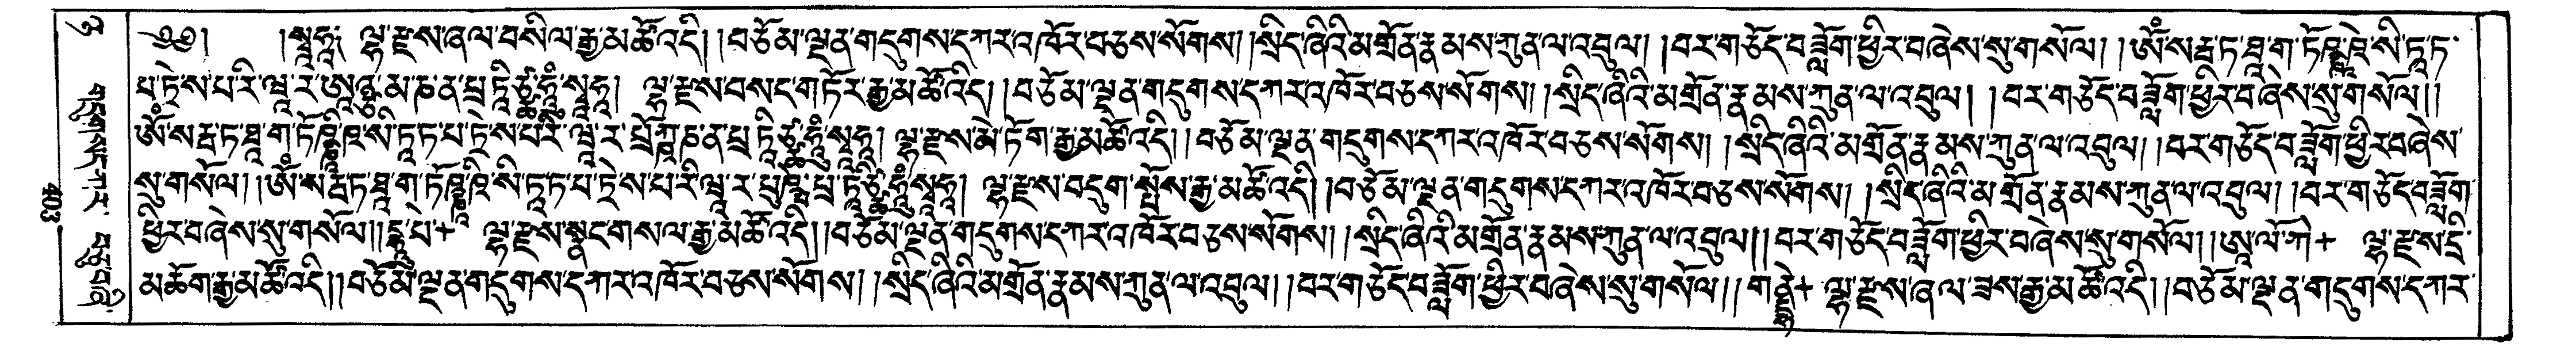༄༅། །སྭཱཧཱ༑ ལྷ་རྫས་ཞལ་བསིལ་རྒྱ་མཚོ་འདི། །བཅོམ་ལྡན་གདུགས་དཀར་འཁོར་བཅས་སོགས། །སྲིད་ཞིའི་མགྲོན་རྣམས་ཀུན་ལ་འབུལ། །བར་གཅོད་བཟློག་ཕྱིར་བཞེས་སུ་གསོལ། །ཨོ་སརྦ་ཏ་ཐཱ་ག་ཏོཥྞཱ་ཥེ་སི་ཏཱ་ཏ་
པ་ཏྲེས་པ་རི་ཝཱ་ར་ཨཱཉྩ་མ་ཎན་པྲཏཱི་ཙྪ་ཧཱུཾ་སྭཱཧཱ། ལྷ་རྫས་བསང་གཏོར་རྒྱ་མཚོ་འདི། །བཅོམ་ལྡན་གདུགས་དཀར་འཁོར་བཅས་སོགས། །སྲིད་ཞིའི་མགྲོན་རྣམས་ཀུན་ལ་འབུལ། །བར་གཅོད་བཟློག་ཕྱིར་བཞེས་སུ་གསོལ།།
ཨོཾ་སརྦ་ཏ་ཐཱ་ག་ཏོཥྞཱི་ཥ་སི་ཏཱ་ཏ་པ་ཏྲེ་ས་པ་རྀ་ཝཱ་ར་པྲོཀྵ་ཎན་པྲ་ཏཱི་ཙྪ་ཧཱུཾ་སྭཱཧཱ། ལྷ་རྫས་མེ་ཏོག་རྒྱ་མཚོ་འདི། །བཅོམ་ལྡན་གདུགས་དཀར་འཁོར་བཅས་སོགས། །སྲིད་ཞིའི་མགྲོན་རྣམས་ཀུན་ལ་འབུལ། །བར་གཅོད་བཟློག་ཕྱིར་བཞེས་
སུ་གསོལ། །ཨོཾ་སརྦ་ཏ་ཐཱ་ག་ཏོཥྟཱི་ཥ་སི་ཏཱ་ཏ་པ་ཏྲེ་ས་པ་རི་ཝ་ར་པུཥྤེ་པྲ་ཏཱཙྪི་ཧཱུཾ་སྭཱཧཱ། ལྷ་རྫས་བདུག་སྤོས་རྒྱ་མཚོ་འདི། །བཅོམ་ལྡན་གདུགས་དཀར་འཁོར་བཅས་སོགས། །སྲིད་ཞིའི་མགྲོན་རྣམས་ཀུན་ལ་འབུལ། །བར་གཅོད་བཟློག་
ཕྱིར་བཞེས་སུ་གསོལ། །དྷཱུ་པེ་ལྷ་རྫས་སྣང་གསལ་རྒྱ་མཚོ་འདི། །བཅོམ་ལྡན་གདུགས་དཀར་འཁོར་བཅས་སོགས། །སྲིད་ཞིའི་མགྲོན་རྣམས་ཀུན་ལ་འབུལ། །བར་གཅོད་བཟློག་ཕྱིར་བཞེས་སུ་གསོལ། །ཨཱ་ལོ་ཀ་ལྷ་རྫས་དྲི་
མཆོག་རྒྱ་མཚོ་འདི། །བཅོམ་ལྡན་གདུགས་དཀར་འཁོར་བཅས་སོགས། །སྲིད་ཞིའི་མགྲོན་རྣམས་ཀུན་ལ་འབུལ། །བར་གཅོད་བཟློག་ཕྱིར་བཞེས་སུ་གསོལ། །གནྡྷེ་ལྷ་རྫས་ཞལ་ཟས་རྒྱ་མཚོ་འདི། །བཅོམ་ལྡན་གདུགས་དཀར་